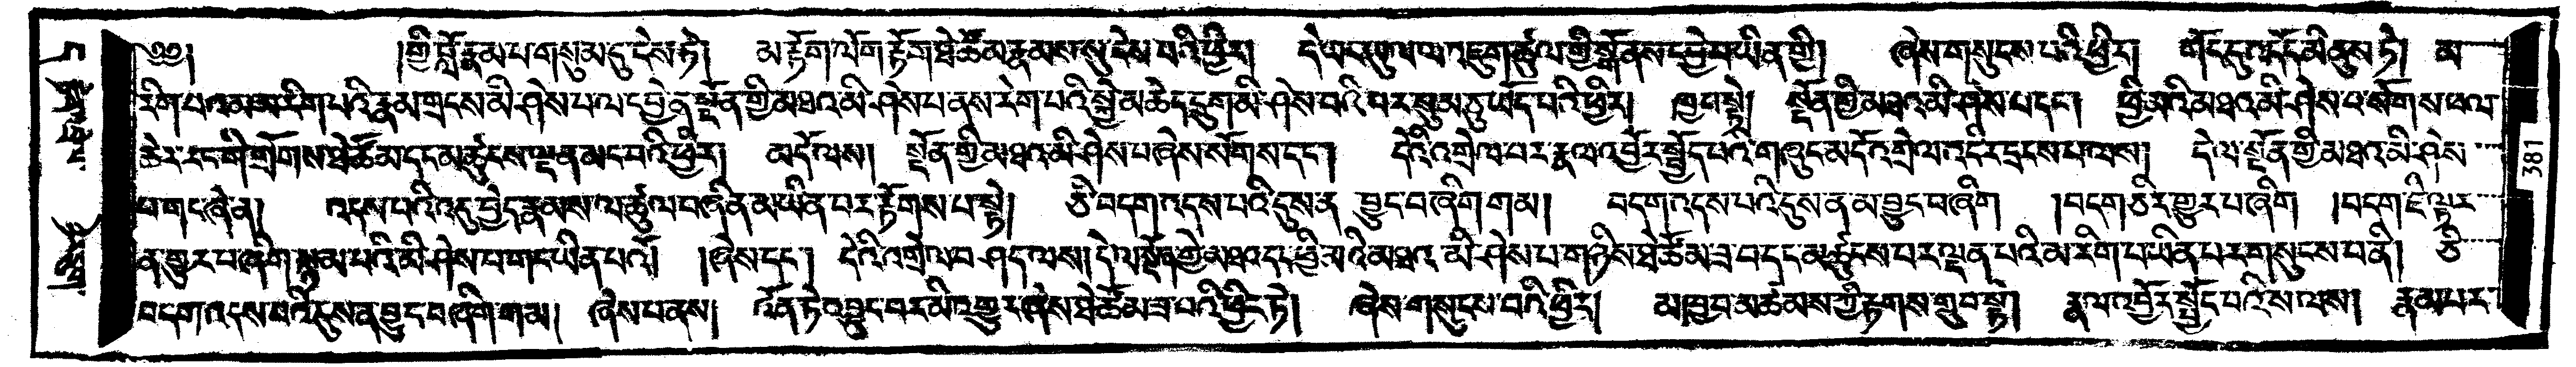༄༅། །གྱི་བློ་རྣམ་པ་གསུམ་དུ་དེས་ཏེ། མ་རྟོག་ལོག་རྟོག་ཐེ་ཚོམ་རྣམས་སུ་ངེས་པའི་ཕྱིར། དེ་ཡང་ཡུལ་ལ་འཇུག་ཚུལ་གྱི་སྒོ་ནས་དབྱེ་བ་ཡིན་གྱི། ཞེས་གསུངས་པའི་ཕྱིར། གོང་དུ་འདོད་མི་ནུས་ཏེ། མ་
རིག་པའམ་མ་རིག་པའི་རྣམ་གྲངས་མི་ཤེས་པ་ལ་དབྱེ་ན་སྔོན་གྱི་མཐའ་མི་ཤེས་པ་ནས་རེག་པའི་སྐྱེ་མཆེད་དྲུག་མི་ཤེས་པའི་བར་སུམ་ཅུ་ཡོད་པའི་ཕྱིར། ཁྱབ་སྟེ། སྔོན་གྱི་མཐའ་མི་ཤེས་པ་དང་། ཕྱི་མའི་མཐའ་མི་ཤེས་པ་སོགས་ཕལ་
ཆེར་རང་གི་གྲོགས་ཐེ་ཚོམ་དང་མཚུངས་ལྡན་མང་བའི་ཕྱིར། མདོ་ལས། སྔོན་གྱི་མཐའ་མི་ཤེས་པ་ཞེས་སོགས་དང་། དེའི་འགྲེལ་བར་རྣལ་འབྱོར་སྤྱོད་པའི་གཞུང་མདོ་འགྲེལ་འདིར་དྲངས་པ་ལས། དེ་ལ་སྔོན་གྱི་མཐའ་མི་ཤེས་
པ་གང་ཞེ་ན། འདས་པའི་འདུ་བྱེད་རྣམས་ལ་ཚུལ་བཞིན་མ་ཡིན་པར་རྟོགས་པ་སྟེ། ཅི་བདག་འདས་པའི་དུས་ན་བྱུང་བ་ཞིག་གམ། བདག་འདས་པའི་དུས་ན་མ་བྱུང་བ་ཞིག །བདག་ཅིར་གྱུར་པ་ཞིག །བདག་ཇི་ལྟར་
ན་གྱུར་པ་ཞིག་སྙམ་པའི་མི་ཤེས་པ་གང་ཡིན་པའོ། །ཞེས་དང་། དེའི་འགྲེལ་བཤད་ལས། དེ་ལ་སྔོན་གྱི་མཐའ་དང་ཕྱི་མའི་མཐའ་མི་ཤེས་པ་གཉིས་ཐེ་ཚོམ་ཟ་བ་དང་མཚུངས་པར་ལྡན་པའི་མ་རིག་པ་ཡིན་པར་གསུངས་པ་ནི། ཅི་
བདག་འདས་པའི་དུས་ན་བྱུང་བ་ཞིག་གམ། ཞེས་པ་ནས། འོན་ཏེ་འབྱུང་བར་མི་འགྱུར་ཞེས་ཐེ་ཚོམ་ཟ་བའི་ཕྱིར་ཏེ། ཞེས་གསུངས་པའི་ཕྱིར། མ་ཁྱབ་མཚམས་ཀྱི་རྟགས་གྲུབ་སྟེ། རྣལ་འབྱོར་སྤྱོད་པའི་ས་ལས། རྣམ་པར་